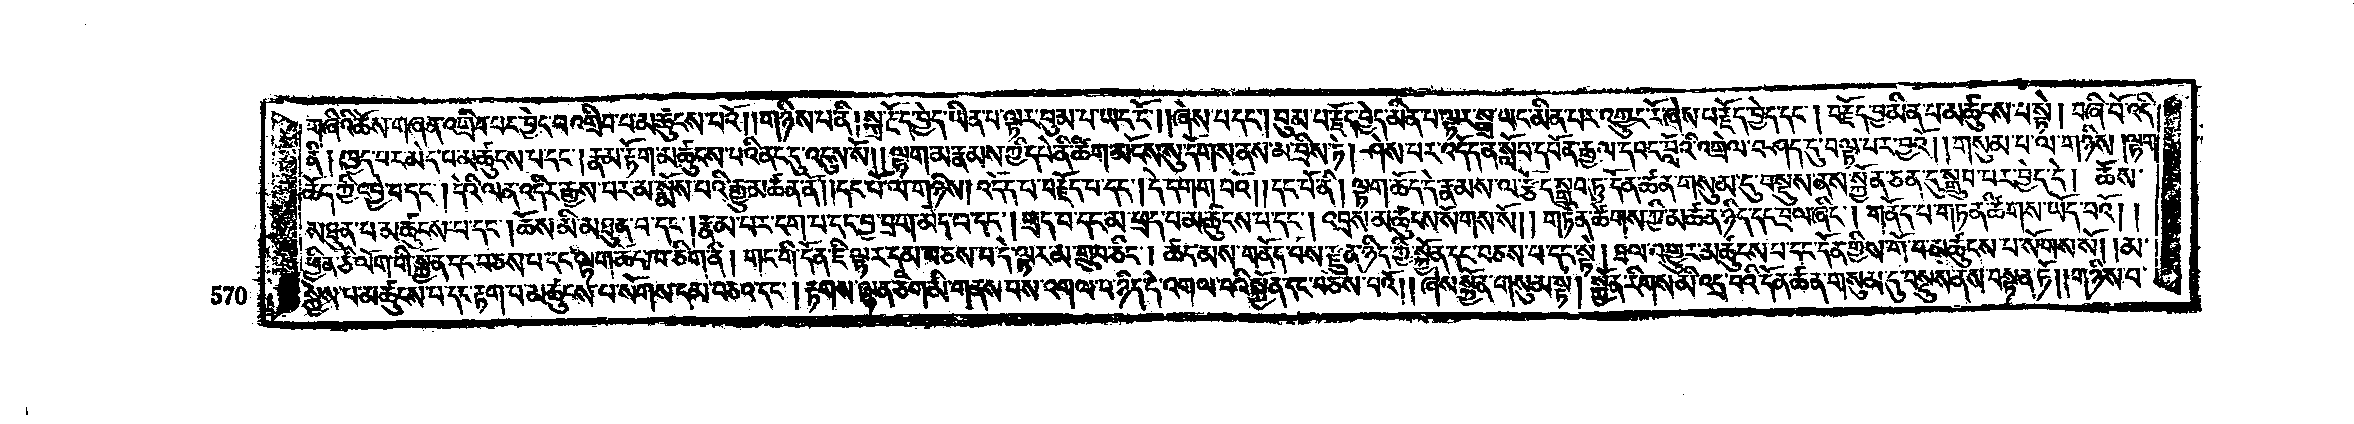གཞིའི་ཆོས་གཞན་འགྲིབ་པར་བྱེད་པ་འགྲིབ་པ་མཚུངས་པའོ། །གཉིས་པ་ནི། སྒྲ་རྗོད་བྱེད་ཡིན་པ་ལྟར་བུམ་པ་ཡོད?་དོ?། །ཞེས་པ་དང་། བུམ་པ་རྗོད་བྱེད་མིན་པ་ལྟར་སྒྲ་ཡང་མིན་པར་འགྱུར་རོ་ཞེས་བརྗོད་བྱེད་དང་། བརྗོད་བྱ་མིན་པ་མཚུངས་པ་སྟེ། བཞི་པོ་འདི་
ནི༑ ཁྱད་པར་མེད་པ་མཚུངས་པ་དང་། རྣམ་རྟོག་མཚུངས་པའི་ནང་དུ་འདུས་སོ། །ལྷག་མ་རྣམས་ཀྱི་དཔེ་ནི་ཚིགས་མོངས་སུ་དོགས་ནས་མ་བྲིས་ཏེ། ཤེས་པར་འདོད་ན་སློབ་དཔོན་རྒྱལ་དབང་བློའི་འགྲེལ་བཤད་དུ་བལྟ་བར་བྱའོ། །གསུམ་པ་ལ་གཉིས། ལྟག་
ཆོད་ཀྱི་དབྱེ་པ་དང་། དེའི་ལན་འདིར་རྒྱས་པར་མ་སྨོས་པའི་རྒྱུ་མཚན་ནོ། །དང་པོ་ལ་གཉིས། འདོད་པ་བརྗོད་པ་དང་། དེ་དགག་པའོ། །དང་པོ་ནི། །ལྟག་ཆོད་དེ་རྣམས་ལ་རྩོད་སྒྲུབ་ཏུ་དོན་ཚན་གསུམ་དུ་བསྡུས་ནས་སྐྱོན་ཅན་དུ་སྒྲུབ་པར་བྱེད་དེ། ཆོས་
མཐུན་པ་མཚུངས་པ་དང་། ཆོས་མི་མཐུན་པ་དང་། རྣམ་པར་དག་པ་དང་བྱེ?་བྲག་མེད་པ་དང་། ཕྲད་པ་མ་ཕྲད་པ་མཚུངས་པ་དང་། འབྲས་མཚུངས་སོགས་སོ། །གཏན་ཚིགས་ཀྱི་མཚན་ཉིད་དང་བྲལ་ཞིང་། གནོད་པ་གཏན་ཚིགས་ཡོད་པའོ། །
ཕྱིན་ཅི་ལོག་གི་སྐྱོན་དང་བཅས་པ་དང་ལྟག་ཆོད་ཁ་ཅིག་ནི། གང་གི་དོན་ཇི་ལྟར་དམ་བཅས་པ་དེ་ལྟར་མ་གྲུབ་ཅིང་། ཚད་མས་གནོད་པས་རྫུན་ཉིད་ཀྱི་སྐྱོན་དང་བཅས་པ་དང་སྟེ། ཐལ་འགྱུར་མཚུངས་པ་དང་དོན་གྱིས་གོ་བ་མཚུངས་པ་སོགས་སོ། །མ་
སྐྱེས་པ་མཚུངས་པ་དང་རྟག་པ་མཚུངས་པ་སོགས་དམ་བཅའ་དང་། རྟགས་ལྷན་ཅིག་མི་གནས་པས་འགལ་བ་ཉིད་དེ་འགལ་བའི་སྐྱོན་དང་བཅོས་པའོ། །ཞེས་སྐྱོན་གསུམ་སྟེ། སྐྱོན་རིགས་མི་འདྲ་བའི་དོན་ཚན་གསུམ་དུ་བསྡུས་ནས་བསྟན་ཏོ། །གཉིས་པ་